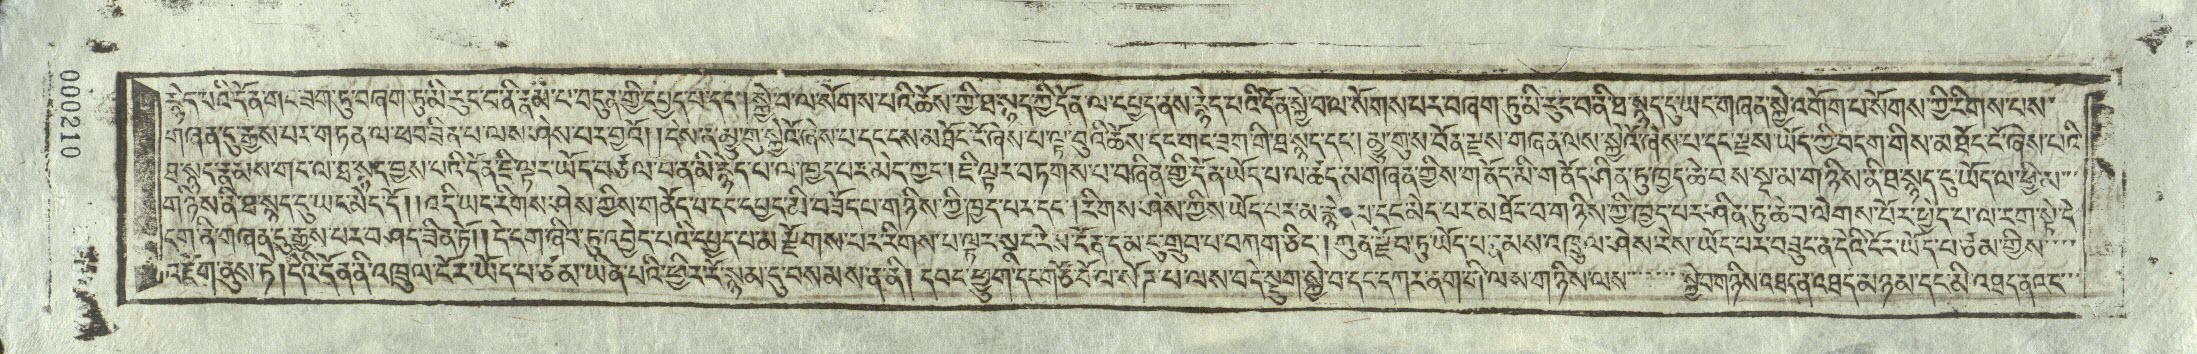རྙེད་པའི་དོན་གང་ཟག་ཏུ་བཞག་ཏུ་མི་རུང་བ་ནི་རྣམ་པ་བདུན་གྱི་དཔྱད་པ་དང་། སྐྱེ་བ་ལ་སོགས་པའི་ཆོས་ཀྱི་ཐ་སྙད་ཀྱི་དོན་ལ་དཔྱད་ནས་རྙེད་པའི་དོན་སྐྱེ་བ་ལ་སོགས་པར་བཞག་ཏུ་མི་རུང་བ་ནི་ཐ་སྙད་དུ་ཡང་གཞན་སྐྱེ་འགོག་པ་སོགས་ཀྱི་རིགས་པས་
གཞན་དུ་རྒྱས་པར་གཏན་ལ་ཕབ་ཟིན་པ་ལས་ཤེས་པར་བྱའོ། །དེས་ན་མྱུ་གུ་སྐྱེའོ་ཞེས་པ་དང་ངས་མཐོང་ངོ་ཞེས་པ་ལྟ་བུའི་ཆོས་དང་གང་ཟག་གི་ཐ་སྙད་དང་། མྱུ་གུ་ས་བོན་རྫས་གཞན་ལས་སྐྱེའོ་ཞེས་པ་དང་རྫས་ཡོད་ཀྱི་བདག་གིས་མཐོང་ངོ་ཞེས་པའི་
ཐ་སྙད་རྣམས་གང་ལ་ཐ་སྙད་བྱས་པའི་དོན་ཇི་ལྟར་ཡོད་པ་ཙལ་བ་ན་མི་རྙེད་པ་ལ་ཁྱད་པར་མེད་ཀྱང་། ཇི་ལྟར་བཏགས་པ་བཞིན་གྱི་དོན་ཡོད་པ་ལ་ཚད་མ་གཞན་གྱིས་གནོད་མི་གནོད་ཤིན་ཏུ་ཁྱད་ཆེ་བས་སྔ་མ་གཉིས་ནི་ཐ་སྙད་དུ་ཡོད་ལ་ཕྱི་མ་
གཉིས་ནི་ཐ་སྙད་དུ་ཡང་མེད་དོ། །འདི་ཡང་རིགས་ཤེས་ཀྱིས་གནོད་པ་དང་དཔྱད་མི་བཟོད་པ་གཉིས་ཀྱི་ཁྱད་པར་དང་། རིགས་ཤེས་ཀྱིས་ཡོད་པར་མ་རྙེད་པ་དང་མེད་པར་མཐོང་བ་གཉིས་ཀྱི་ཁྱད་པར་ཤིན་ཏུ་ཆེ་བ་ལེགས་པོར་ཕྱེད་པ་ལ་རག་སྟེ་དེ་
དག་ནི་གཞན་དུ་རྒྱས་པར་བཤད་ཟིན་ཏོ། །དེ་དག་ཞིབ་ཏུ་འབྱེད་པའི་དཔྱད་པ་མ་རྫོགས་པར་རིགས་པ་ལྟར་སྣང་རེས་དོན་དམ་དུ་གྲུབ་པ་བཀག་ཅིང་། ཀུན་རྫོབ་ཏུ་ཡོད་པ་རྣམས་འཁྲུལ་ཤེས་རེས་ཡོད་པར་བཟུང་ན་དེའི་ངོར་ཡོད་པ་ཙམ་གྱིས་
འཇོག་ནུས་ཏེ། དེའི་དོན་ནི་འཁྲུལ་ངོར་ཡོད་པ་ཙམ་ཡིན་པའི་ཕྱིར་རོ་སྙམ་དུ་བསམས་ན་ནི། དབང་ཕྱུག་དང་གཙོ་བོ་ལ་སོགས་པ་ལས་བདེ་སྡུག་སྐྱེ་བ་དང་དཀར་ནག་གི་ལས་གཉིས་ལས་བདེ་སྡུག་སྐྱེ་བ་གཉིས་འཐད་ན་འཐད་མཉམ་དང་མི་འཐད་ནའང་